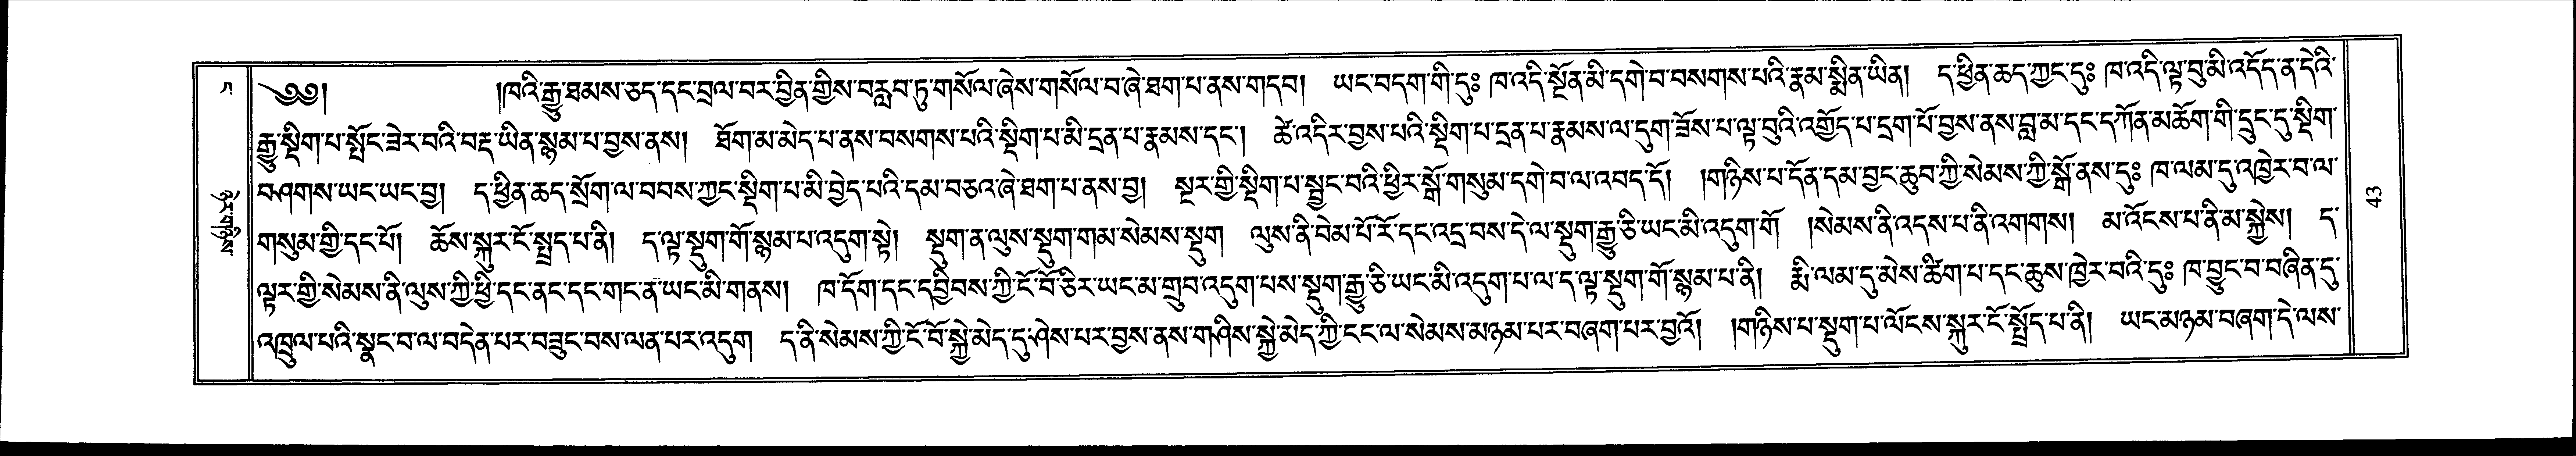༄༅། །ཁའི་རྒྱུ་ཐམས་ཅད་དང་བྲལ་བར་བྱིན་གྱིས་བརླབ་ཏུ་གསོལ་ཞེས་གསོལ་བ་ཞེ་ཐག་པ་ནས་གདབ། ཡང་བདག་གི་དུཿ ཁ་འདི་སྔོན་མི་དགེ་བ་བསགས་པའི་རྣམ་སྨིན་ཡིན། ད་ཕྱིན་ཆད་ཀྱང་དུཿ ཁ་འདི་ལྟ་བུ་མི་འདོད་ན་དེའི་
རྒྱུ་སྡིག་པ་སྤོང་ཟེར་བའི་བརྡ་ཡིན་སྙམ་པ་བྱས་ནས། ཐོག་མ་མེད་པ་ནས་བསགས་པའི་སྡིག་པ་མི་དྲན་པ་རྣམས་དང་། ཚེ་འདིར་བྱས་པའི་སྡིག་པ་དྲན་པ་རྣམས་ལ་དུག་ཟོས་པ་ལྟ་བུའི་འགྱོད་པ་དྲག་པོ་བྱས་ནས་བླ་མ་དང་དཀོན་མཆོག་གི་དྲུང་དུ་སྡིག་
བཤགས་ཡང་ཡང་བྱ། ད་ཕྱིན་ཆད་སྲོག་ལ་བབས་ཀྱང་སྡིག་པ་མི་བྱེད་པའི་དམ་བཅའ་ཞེ་ཐག་པ་ནས་བྱ། སྔར་གྱི་སྡིག་པ་སྦྱང་བའི་ཕྱིར་སྒོ་གསུམ་དགེ་བ་ལ་འབད་དོ། །གཉིས་པ་དོན་དམ་བྱང་ཆུབ་ཀྱི་སེམས་ཀྱི་སྒོ་ནས་དུཿ ཁ་ལམ་དུ་འཁྱེར་བ་ལ་
གསུམ་གྱི་དང་པོ། ཆོས་སྐུར་ངོ་སྤྲད་པ་ནི། ད་ལྟ་སྡུག་གོ་སྙམ་པ་འདུག་སྟེ། སྡུག་ན་ལུས་སྡུག་གམ་སེམས་སྡུག་ལུས་ནི་བེམ་པོ་རོ་དང་འདྲ་བས་དེ་ལ་སྡུག་རྒྱུ་ཅི་ཡང་མི་འདུག་གོ །སེམས་ནི་འདས་པ་ནི་འགགས། མ་འོངས་པ་ནི་མ་སྐྱེས། ད་
ལྟར་གྱི་སེམས་ནི་ལུས་ཀྱི་ཕྱི་དང་ནང་དང་གང་ན་ཡང་མི་གནས། ཁ་དོག་དང་དབྱིབས་ཀྱི་ངོ་བོ་ཅིར་ཡང་མ་གྲུབ་འདུག་པས་སྡུག་རྒྱུ་ཅི་ཡང་མི་འདུག་པ་ལ་ད་ལྟ་སྡུག་གོ་སྙམ་པ་ནི། རྨི་ལམ་དུ་མེས་ཚིག་པ་དང་ཆུས་ཁྱེར་བའི་དུཿ ཁ་བྱུང་བ་བཞིན་དུ་
འཁྲུལ་པའི་སྣང་བ་ལ་བདེན་པར་བཟུང་བས་ལན་པར་འདུག་ད་ནི་སེམས་ཀྱི་ངོ་བོ་སྐྱེ་མེད་དུ་ཤེས་པར་བྱས་ནས་གཤིས་སྐྱེ་མེད་ཀྱི་ངང་ལ་སེམས་མཉམ་པར་བཞག་པར་བྱའོ། །གཉིས་པ་སྡུག་པ་ལོངས་སྐུར་ངོ་སྤྲོད་པ་ནི། ཡང་མཉམ་བཞག་དེ་ལས་